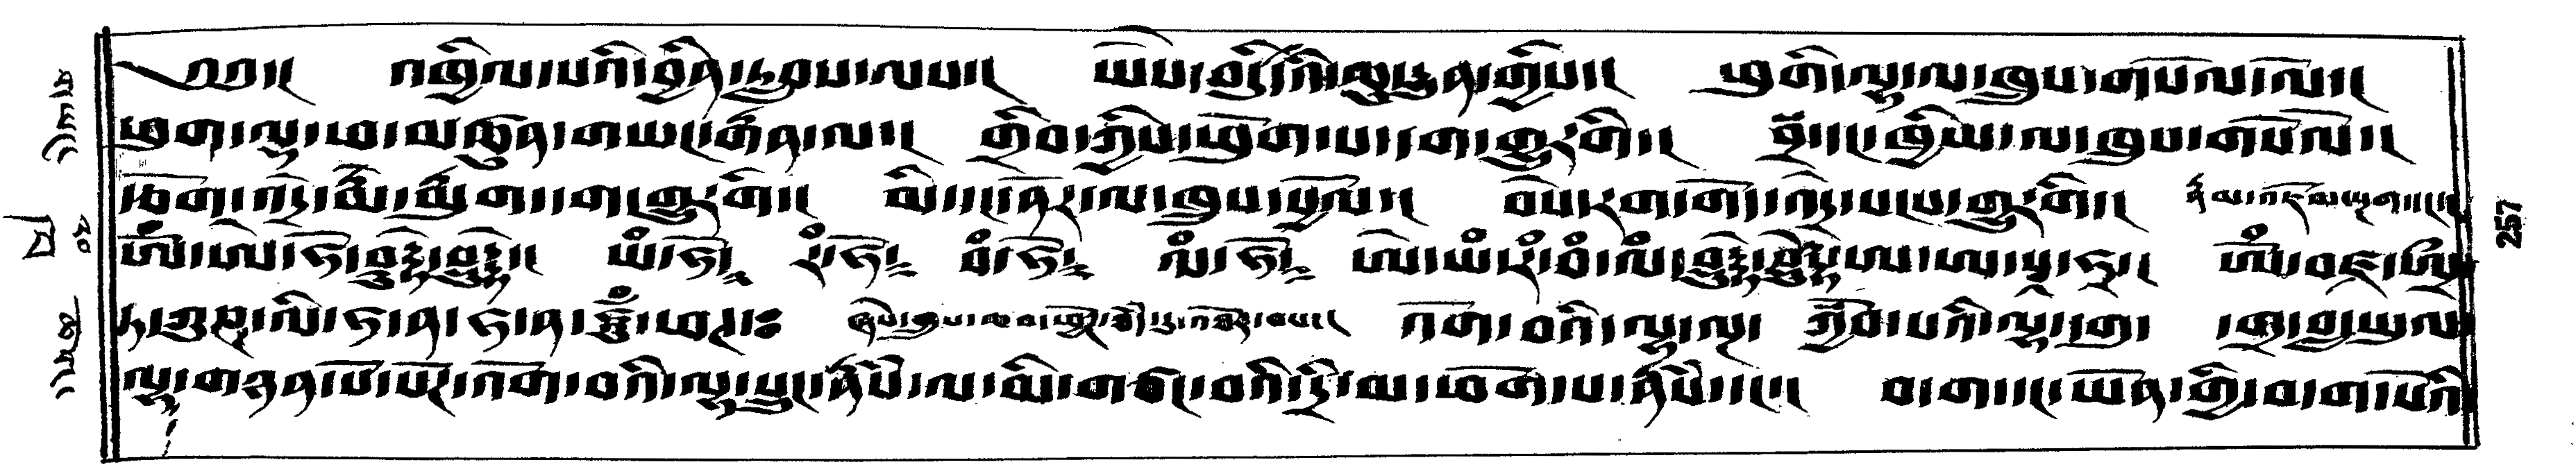འཁྱིལ་པའི་བྱིན་རླབས་ལས། །ཡེ་ཤེས་བདུད་རྩིའི་མུ་རྒྱུན་གྱིས། །ཕུག་གི་ལྷ་ལ་ཁྲུས་གསོལ་ལོ། །
ཕུག་ལྷ་ཕ་མཚུན་གཡང་རྒན་ལ། །གྲིབ་ཀྱིས་ཕོག་པ་དག་གྱུར་ཅིག །སྦྲ་དང་ཁྱིམ་ལ་ཁྲུས་གསོལ་ལོ། །
རྩོག་འདྲེ་རྨེ་རྨུག་དག་གྱུར་ཅིག ། མི་དང་ནོར་ལ་ཁྲུས་གསོལ་ལོ། །བསེ་རག་གོད་འདྲེ་སངས་གྱུར་ཅིག ། རྣམ་འཇོམས་སྔགས་དང་།
ཨོཾ་ཨེ་ཧོ་ཤུདྡྷེ་ཤུདྡྷེ། ཡཾ་ཧོ༴ རཾ་ཧོ༴ བཾ་ཧོ༴ ལཾ་ཧོ༴ ཨེ་ཡཾ་རཾ་བཾ་ལཾ་ཤུ་དྡྷེ་ཤུདྡྷེ་ཨ་ཨ་སྭ་ཧཱ། ཨོཾ་བཛྲ་ཨ་མྲྀ་
ཏ་ཀུཎྜ་ལི་ཧ་ན་ཧ་ན་ཧཱུྃ་ཕཊཿ ཞེས་ཁྲུས་ཆབ་ཕྱོགས་ཐམས་ཅད་དུ་འཐོར་བས། འགོ་བའི་ལྷ་ལྔ་། སྐྱོབ་པའི་ལྷ་དགུ། དགྲ་བླ་ཡུལ་
ལྷ་གཉན་པོ་སོགས་འགོ་བའི་ལྷ་སྲུང་རྣམས་ལ་མི་གཙང་བའི་དྲི་མ་ཕོག་པ་རྣམས་དང་། བདག་དང་ཡོན་གྱི་བདག་པོའི་